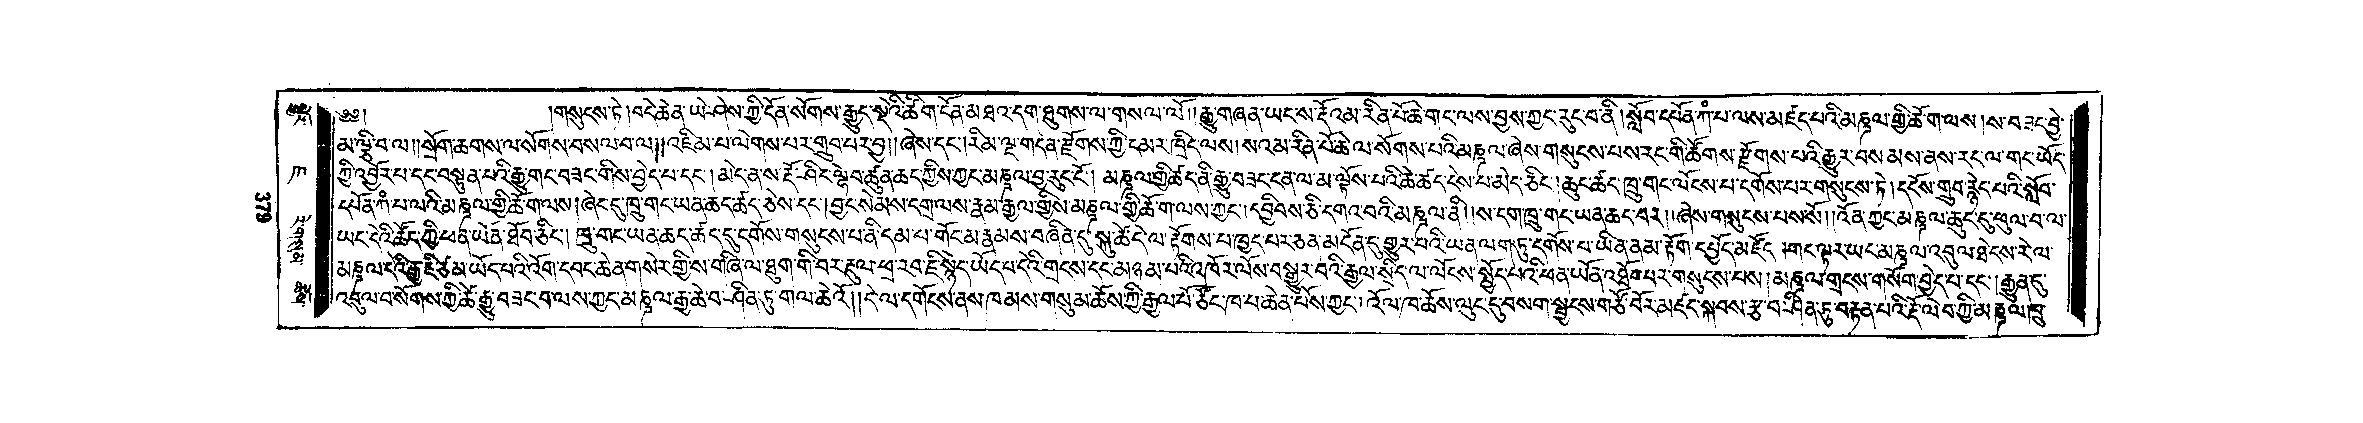༄༅། །གསུངས་ཏེ། བདེ་ཆེན་ཡེ་ཤེས་ཀྱི་དོན་སོགས་རྒྱུད་སྡེའི་ཚིག་དོན་མཐའ་དག་ཐུགས་ལ་གསལ་ལོ། །རྒྱུ་གཞན་ཡང་ས་རྡོའམ་རིན་པོ་ཆེ་གང་ལས་བྱས་ཀྱང་རུང་བ་ནི། སློབ་དཔོན་ཀཾ་པ་ལས་མཛད་པའི་མཎྜལ་གྱི་ཆོ་ག་ལས། ས་བཟང་བྱེ་
མ་ལྕི་བ་ལ། །སྲོག་ཆགས་ལ་སོགས་བསལ་བ་ལ། །འཇིམ་པ་ལེགས་པར་གྲུབ་པར་བྱ། །ཞེས་དང་། རིམ་ལྔ་གདན་རྫོགས་ཀྱི་དམར་ཁྲིད་ལས། སའམ་རིན་པོ་ཆེ་ལ་སོགས་པའི་མཎྜལ་ཞེས་གསུངས་པས་རང་གི་ཚོགས་རྫོགས་པའི་རྒྱུར་བསམས་ནས་རང་ལ་གང་ཡོད་
ཀྱི་འབྱོར་པ་དང་བསྟུན་པའི་རྒྱུ་གང་བཟང་གིས་བྱེད་པ་དང་། མེད་ན་ས་རྡོ་ཤིང་ལྷེབ་ཚུན་ཆད་ཀྱིས་ཀྱང་མཎྜལ་བྱ་རུང་ངོ། མཎྜལ་གྱི་ཚད་ནི་རྒྱུ་བཟང་ངན་ལ་མ་ལྟོས་པའི་ཆེ་ཚད་ངེས་པ་མེད་ཅིང་། ཆུང་ཚད་ཁྲུ་གང་ལོངས་པ་དགོས་པར་གསུངས་ཏེ། དངོས་གྲུབ་རྙེད་པའི་སློབ་
དཔོན་ཀཾ་པ་ལའི་མཎྜལ་གྱི་ཆོ་ག་ལས། ཞེང་དུ་ཁྲུ་གང་ཡན་ཆད་ཚད་ཅེས་དང་། བྱང་སེམས་དགྲ་ལས་རྣམ་རྒྱལ་གྱིས་མཎྜལ་གྱི་ཆོ་ག་ལས་ཀྱང་། དབྱིབས་ཅི་དགའ་བའི་མཎྜལ་ནི། །ས་དག་ཁྲུ་གང་ཡན་ཆད་བར། །ཞེས་གསུངས་པས་སོ། །འོ་ན་ཀྱང་མཎྜལ་ཆུང་ངུ་ཕུལ་བ་ལ་
ཡང་དེའི་ཚོད་ཀྱི་ཕན་ཡོན་ཐོབ་ཅིང་། ཁྲུ་གང་ཡན་ཆད་ཚད་དུ་དགོས་གསུངས་པ་ནི་དམ་པ་གོང་མ་རྣམས་བཞིན་དུ་སྐུ་ཚེ་དེ་ལ་རྟོགས་པ་ཁྱད་པར་ཅན་མངོན་དུ་གྱུར་པའི་ཡན་ལག་ཏུ་དགོས་པ་ཡིན་ནམ་རྟོག་དཔྱོད་མཛོད། གང་ལྟར་ཡང་མཎྜལ་འབུལ་ཐེངས་རེ་ལ་
མཎྜལ་དེའི་རྒྱ་ཇི་ཙམ་ཡོད་པའི་འོག་དབང་ཆེན་གསེར་གྱི་ས་གཞི་ལ་ཐུག་གི་བར་རྡུལ་ཕྲ་རབ་ཇི་སྙེད་ཡོད་པ་དེའི་གྲངས་དང་མཉམ་པའི་འཁོར་ལོས་བསྒྱུར་བའི་རྒྱལ་སྲིད་ལ་ལོངས་སྤྱོད་པའི་ཕན་ཡོན་འཐོབ་པར་གསུངས་པས། མཎྜལ་གྲངས་གསོག་བྱེད་པ་དང་། རྒྱུན་དུ་
འབུལ་བ་སོགས་ཀྱི་ཚེ་རྒྱུ་བཟང་བ་ལས་ཀྱང་མཎྜལ་རྒྱ་ཆེ་བ་ཤིན་ཏུ་གལ་ཆེའོ། །དེ་ལ་དགོངས་ནས་ཁམས་གསུམ་ཆོས་ཀྱི་རྒྱལ་པོ་ཙོང་ཁ་པ་ཆེན་པོས་ཀྱང་། འོལ་ཁ་ཆོས་ལུང་དུ་བསག་སྦྱངས་གཙོ་བོར་མཛད་སྐབས་རྩ་བ་ཤིན་ཏུ་བརྟན་པའི་རྡོ་ལེབ་ཀྱི་མཎྜལ་ཁྲུ་